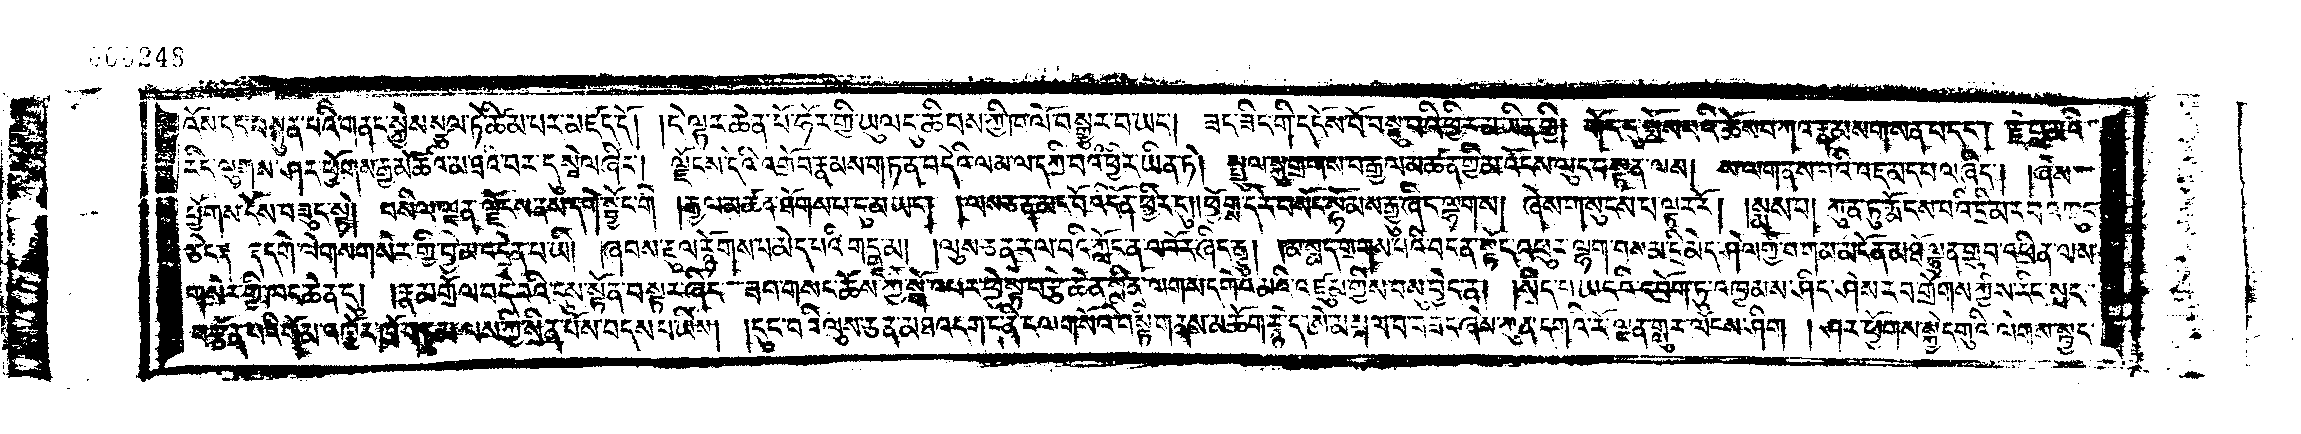འོས་དང་བསྟུན་པའི་གནང་སྐྱེས་སྩལ་ཏེ་ཚིམ་པར་མཛད་དོ། །དེ་ལྟར་ཆེན་པོ་ཧོར་གྱི་ཡུལ་དུ་ཆིབས་ཀྱི་ཁ་ལོ་བསྒྱུར་བ་ཡང་། ཟང་ཟིང་གི་དངོས་པོ་བསྡུ་བའི་ཕྱིར་མ་ཡིན་གྱི། གོང་དུ་སྨོས་པའི་ཆོས་བཀའ་རྣམས་གསན་པ་དང་། རྗེ་བླ་མའི་
རིང་ལུགས་ཤར་ཕྱོགས་རྒྱ་མཚོའི་མཐའི་བར་དུ་སྦེལ་ཞིང་། ལྗོངས་དེའི་འགྲོ་བ་རྣམས་གཏན་བདེའི་ལམ་ལ་དཀྲི་བཱྀ་ཕྱིར་ཡིན་ཏེ། སྤྲུལ་སྐུ་གྲགས་པ་རྒྱལ་མཚན་གྱི་མ་འོངས་ལུང་བསྟན་ལས། ས་ལ་གནས་པའི་འཇམ་དཔལ་ཞིང་། །ཞེས་
ཕྱོགས་ངོས་བཟུང་སྟེ། བསིལ་ལྡན་ལྗོངས་ནས་དགེ་སྦྱོང་གི །རྒྱལ་མཚན་ཐེགས་པ་དུ་མ་ཡང་། །ལས་ཅན་མང་པོའི་དོན་ཕྱིར་དུ། །ཕྱོགས་དེར་བསོད་སྙོམས་རྒྱུ་ཞིང་ལྷགས། ཞེས་གསུངས་པ་ལྟར་རོ། །སྨྲས་པ། ཀུན་ཏུ་རྨོངས་པའི་དྲི་མ་རབ་འཁྲུང་
ཅིང༑ ༑དགེ་ལེགས་གསེར་གྱི་བྱེ་མ་འདྲེན་པ་ཡི། །ཞབས་རྡུལ་རྙོགས་པ་མེད་པའི་གངྒཱ་མ། །ལུས་ཅན་རལ་བའི་ཀློང་ན་འཁོར་ཞིང་རྒྱུ། །མ་སྨད་གྲགས་པའི་བ་ངན་སྟོང་འཕུར་ལྷག་བསམ་སྲི་མེད་ཤེལ་གྱི་བ་གམ་མདོན་མཐོ་ལྷུན་གྲུབ་འཕྲིན་ལས་
གསེར་གྱི་ཁང་ཆེན་པ། །རྣམ་གྲོལ་བདེ་བའི་དུས་སྟོན་བསྟར་ཞིང་ཟག་གསང་ཆོས་ཀྱི་སྒོ་འཕར་ཕྱེ་སྟེ་བརྩེ་ཆེན་སྨིན་ལེགས་དགའ་མའི་འཛུམ་གྱིས་བསུ་བྱེད་ན། །སྲིད་པ་ཡ་ངའི་འབྲོག་ཏུ་འཁྱམས་ཤིང་ཤེས་རབ་གྲོགས་ཀྱིས་རིང་སྤང་
བརྩོན་པའི་གོམ་འཁྱོར་ཁྲོ་གཏུམ་ལས་ཀྱི་སྲིན་པོས་བདས?་པ་ཡིས། །དུང་པའི་ལུས་ཅན་མཐའ་དག་ད་ནི་ངལ་གསོའི་བསྟི་གནས་མཆོག་རྙེད་ཨེ་མ་སྐལ་བ་བཟང་ཞེས་ཀུན་དགའི་རོ་ལྡན་གླུར་ལོངས་ཤིག །ཤར་ཕྱོགས་སྐྱེ་དགུའི་ལེགས་སྤྱད་